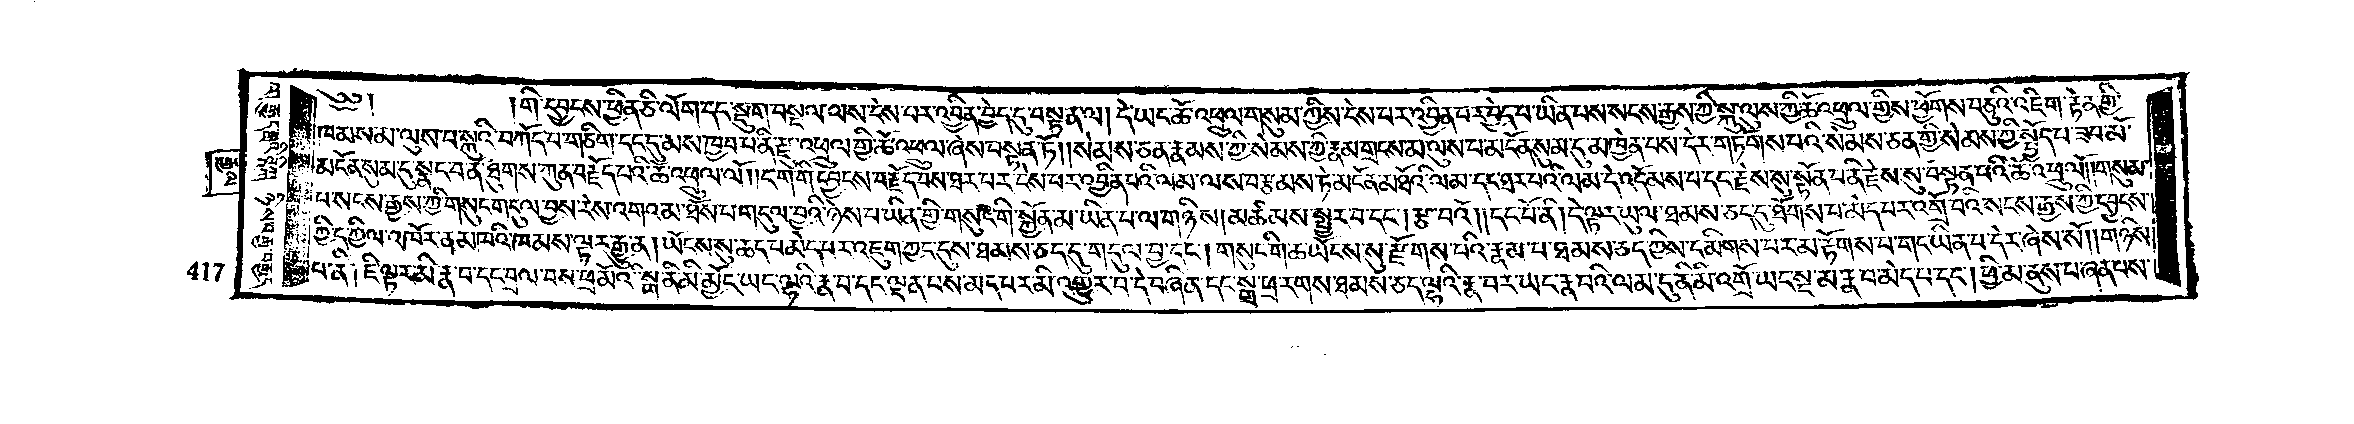༄༅། །གི་དབྱངས་ཕྱིན་ཅི་ལོག་དང་སྡུག་བསྔལ་ལས་ངེས་པར་འབྱིན་བྱེད་དུ་བསྟན་ལ། དེ་ཡང་ཆོ་འཕྲུལ་གསུམ་གྱིས་ངེས་པར་འབྱིན་པར་བྱེད་པ་ཡིན་པས་སངས་རྒྱས་ཀྱི་སྐུ་ལུས་ཀྱི་ཆོ་འཕྲུལ་གྱིས་ཕྱོགས་བཅུའི་འཇིག་རྟེན་གྱི་
ཁམས་མ་ལུས་པ་སྐུའི་བཀོད་པ་གཅིག་དང་དུ་མས་ཁྱབ་པ་ནི་རྫུ་འཕྲུལ་གྱི་ཆོ་འཕྲུལ་ཞེས་བསྟན་ཏོ། །སེམས་ཅན་རྣམས་ཀྱི་སེམས་ཀྱི་རྣམ་གྲངས་མ་ལུས་པ་མངོན་སུམ་དུ་མཁྱེན་པས་དེར་གཏོགས་པའི་སེམས་ཅན་གྱི་སེམས་ཀྱི་སྤྱོད་པ་ཟབ་མོ་
མངོན་སུམ་དུ་སྣང་བ་ན་ཐུགས་ཀུན་བརྗོད་པའི་ཆོ་འཕྲུལ་ལོ། །ངག་གི་དབྱངས་བརྗོད་པས་ཐར་པར་ངེས་པར་འབྱིན་པའི་ལམ་ལས་བརྩམས་ཏེ་མངོན་མཐོའི་ལམ་དང་ཐར་པའི་ལམ་དེ་འདོམས་པ་དང་རྗེས་སུ་སྟོན་པ་ནི་རྗེས་སུ་བསྟན་པའི་ཆོ་འཕྲུལ་ལོ། །གསུམ་
པ་སངས་རྒྱས་ཀྱི་གསུང་གདུལ་བྱས་རེས་འགའ་མ་ཐོས་པ་གདུལ་བྱའི་ཉེས་པ་ཡིན་གྱི་གསུང་གི་སྐྱོན་མ་ཡིན་པ་ལ་གཉིས། མཚམས་སྦྱར་བ་དང་། རྩ་བའོ། །དང་པོ་ནི། དེ་ལྟར་ཡུལ་ཐམས་ཅད་དུ་ཐོགས་པ་མེད་པར་འགྲོ་བའི་སངས་རྒྱས་ཀྱི་དབྱངས་
ཀྱི་དཀྱིལ་འཁོར་ན་མཁའི་ཁམས་ལྟར་རྒྱུ་ན། ཡོངས་སུ་ཆད་པ་མེད་པར་འཇུག་ཀྱང་དུས་ཐམས་ཅད་དུ་གདུལ་བྱ་དང་། གསུང་གི་ཆ་ཡོངས་སུ་རྫོགས་པའི་རྣམ་པ་ཐམས་ཅད་ཀྱིས་དམིགས་པར་མ་རྟོགས་པ་གང་ཡིན་པ་དེར་ཞེས་སོ། །གཉིས་
པ་ནི། ཇི་ལྟར་མི་རྣ་བ་དང་བྲལ་བས་ཕྲ་མོའི་སྒི་ནི་མི་མྱོང་ཡང་ལྷའི་རྣ་བ་དང་ལྡན་པས་མེད་པར་མི་འགྱུར་བ་དེ་བཞིན་དང་སྒྲ་ཕྲ་རགས་ཐམས་ཅད་ལྷའི་རྣ་བར་ཡང་རྣ་བའི་ལམ་དུ་ནི་མི་འགྲོ་ཡང་སྔ་མ་རྣ་བ་མེད་པ་དང་། ཕྱི་མ་ནུས་པ་ཞན་པས་